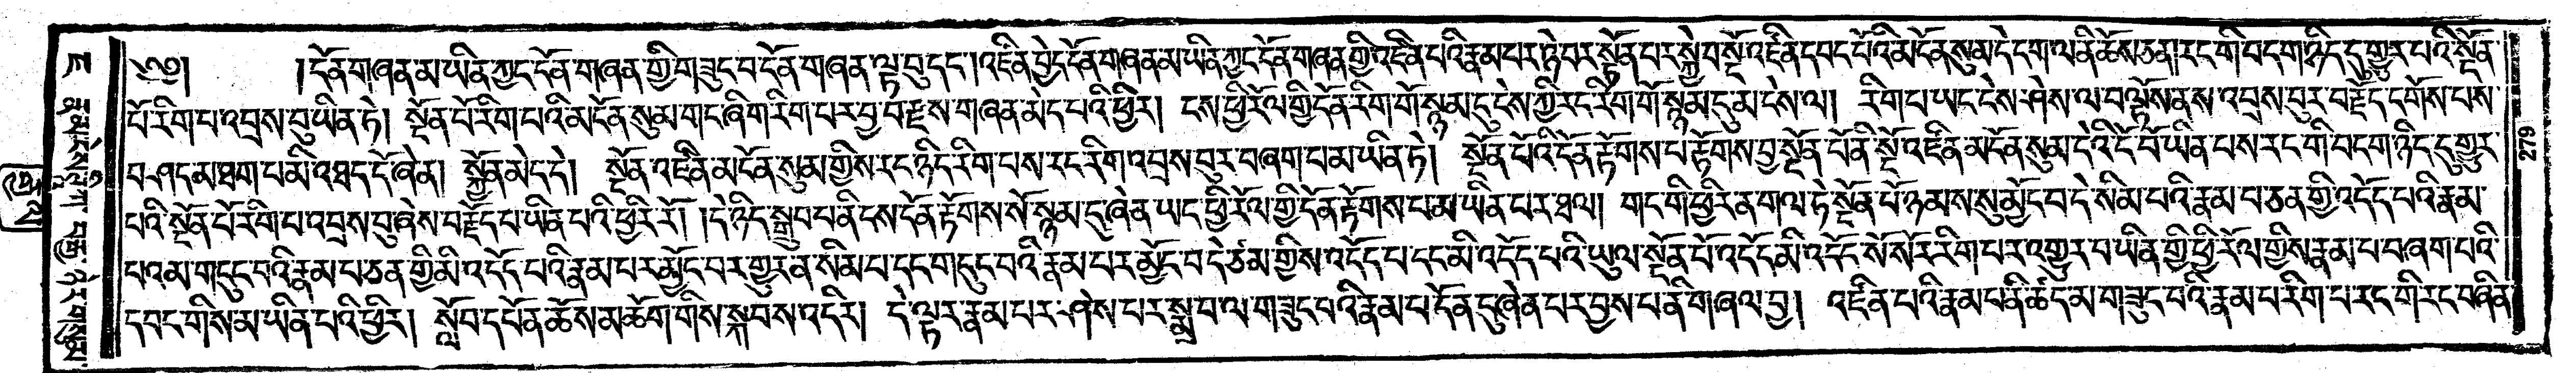༄༅། །དོན་གཞན་མ་ཡིན་ཀྱང་དོན་གཞན་གྱི་གཟུང་བ་དོན་གཞན་ལྟ་བུ་དང་། འཛིན་བྱེད་དོན་གཞན་མ་ཡིན་ཀྱང་དོན་གཞན་གྱི་འཛིན་པའི་རྣམ་པར་ཉེ་བར་སྟོན་པར་སྐྱེ་བ་སྔོ་འཛིན་དབང་པོའི་མངོན་སུམ་དེ་དག་ལ་ནི་ཆོས་ཅན། རང་གི་བདག་ཉིད་དུ་གྱུར་པའི་སྔོན་
པོ་རིག་པ་འབྲས་བུ་ཡིན་ཏེ། སྔོན་པོ་རིག་པའི་མངོན་སུམ་གང་ཞིག་རིག་པར་བྱ་བ་རྫས་གཞན་མེད་པའི་ཕྱིར། ངས་ཕྱི་རོལ་གྱི་དོན་རིག་གོ་སྙམ་དུ་ངེས་ཀྱི་རང་རིག་གོ་སྙམ་དུ་མ་ངེས་ལ། རིག་པ་ཡང་ངེས་ཤེས་ལ་བལྟོས་ནས་འབྲས་བུར་བརྗོད་དགོས་པས་
བཤད་མ་ཐག་པ་མི་འཐད་དོ་ཞེ་ན། སྐྱོན་མེད་དེ། སྔོན་འཛིན་མངོན་སུམ་གྱིས་རང་ཉིད་རིག་པས་རང་རིག་འབྲས་བུར་བཞག་པ་མ་ཡིན་ཏེ། སྔོན་པོའི་དོན་རྟོགས་པ་རྟོགས་བྱ་སྔོན་པོ་ནི་སྔོ་འཛིན་མངོན་སུམ་དེའི་ངོ་བོ་ཡིན་པས་རང་གི་བདག་ཉིད་དུ་གྱུར་
པའི་སྔོན་པོ་རིག་པ་འབྲས་བུ་ཞེས་བརྗོད་པ་ཡིན་པའི་ཕྱིར་རོ། །དེ་ཉིད་སྒྲུབ་པ་ནི་ངས་དོན་རྟོགས་སོ་སྙམ་དུ་ཞེན་ཡང་ཕྱི་རོལ་གྱི་དོན་རྟོགས་པ་མ་ཡིན་པར་ཐལ། གང་གི་ཕྱིར་ན་གལ་ཏེ་སྔོན་པོ་ཉམས་སུ་མྱོང་བ་དེ་སིམ་པའི་རྣམ་པ་ཅན་གྱི་འདོད་པའི་རྣམ་
པའམ་གདུང་བའི་རྣམ་པ་ཅན་གྱི་མི་འདོད་པའི་རྣམ་པར་མྱོང་བར་གྱུར་ན་སིམ་པ་དང་གདུང་བའི་རྣམ་པར་མྱོང་བ་དེ་ཙམ་གྱིས་འདོད་པ་དང་མི་འདོད་པའི་ཡུལ་སྔོན་པོ་འདོད་མི་འདོད་སོ་སོར་རིག་པར་འགྱུར་བ་ཡིན་གྱི་ཕྱི་རོལ་གྱིས་རྣམ་པ་བཞག་པའི་
དབང་གིས་མ་ཡིན་པའི་ཕྱིར། སློབ་དཔོན་ཆོས་མཆོག་གིས་སྐབས་འདིར། དེ་ལྟར་རྣམ་པར་ཤེས་པར་སྨྲ་བ་ལ་གཟུང་བའི་རྣམ་པ་དོན་དུ་ཞེན་པར་བྱས་པ་ནི་གཞལ་བྱ། འཛིན་པའི་རྣམ་པ་ནི་ཚད་མ་གཟུང་བའི་རྣམ་པ་རིག་པ་རང་གི་རང་བཞིན་